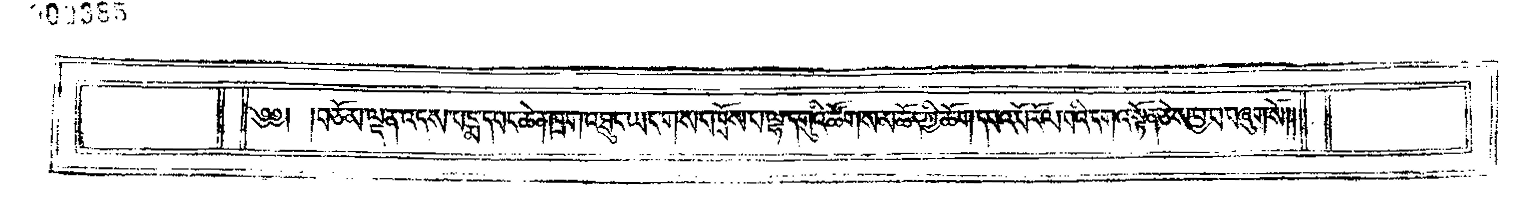༄༅། །བཅོམ་ལྡན་འདས་པདམ་དབང་ཆེན་ཁྲག་འཐུང་ཡང་གསང་ཁྲོས་པ་ལྷ་དགུའི་ཚོགས་མཆོད་ཀྱི་ཆོ་ག་དཔའ་བོ་རོལ་བའི་དགའ་སྟོན་ཅེས་བྱ་བ་བཞུགས་སོ། །